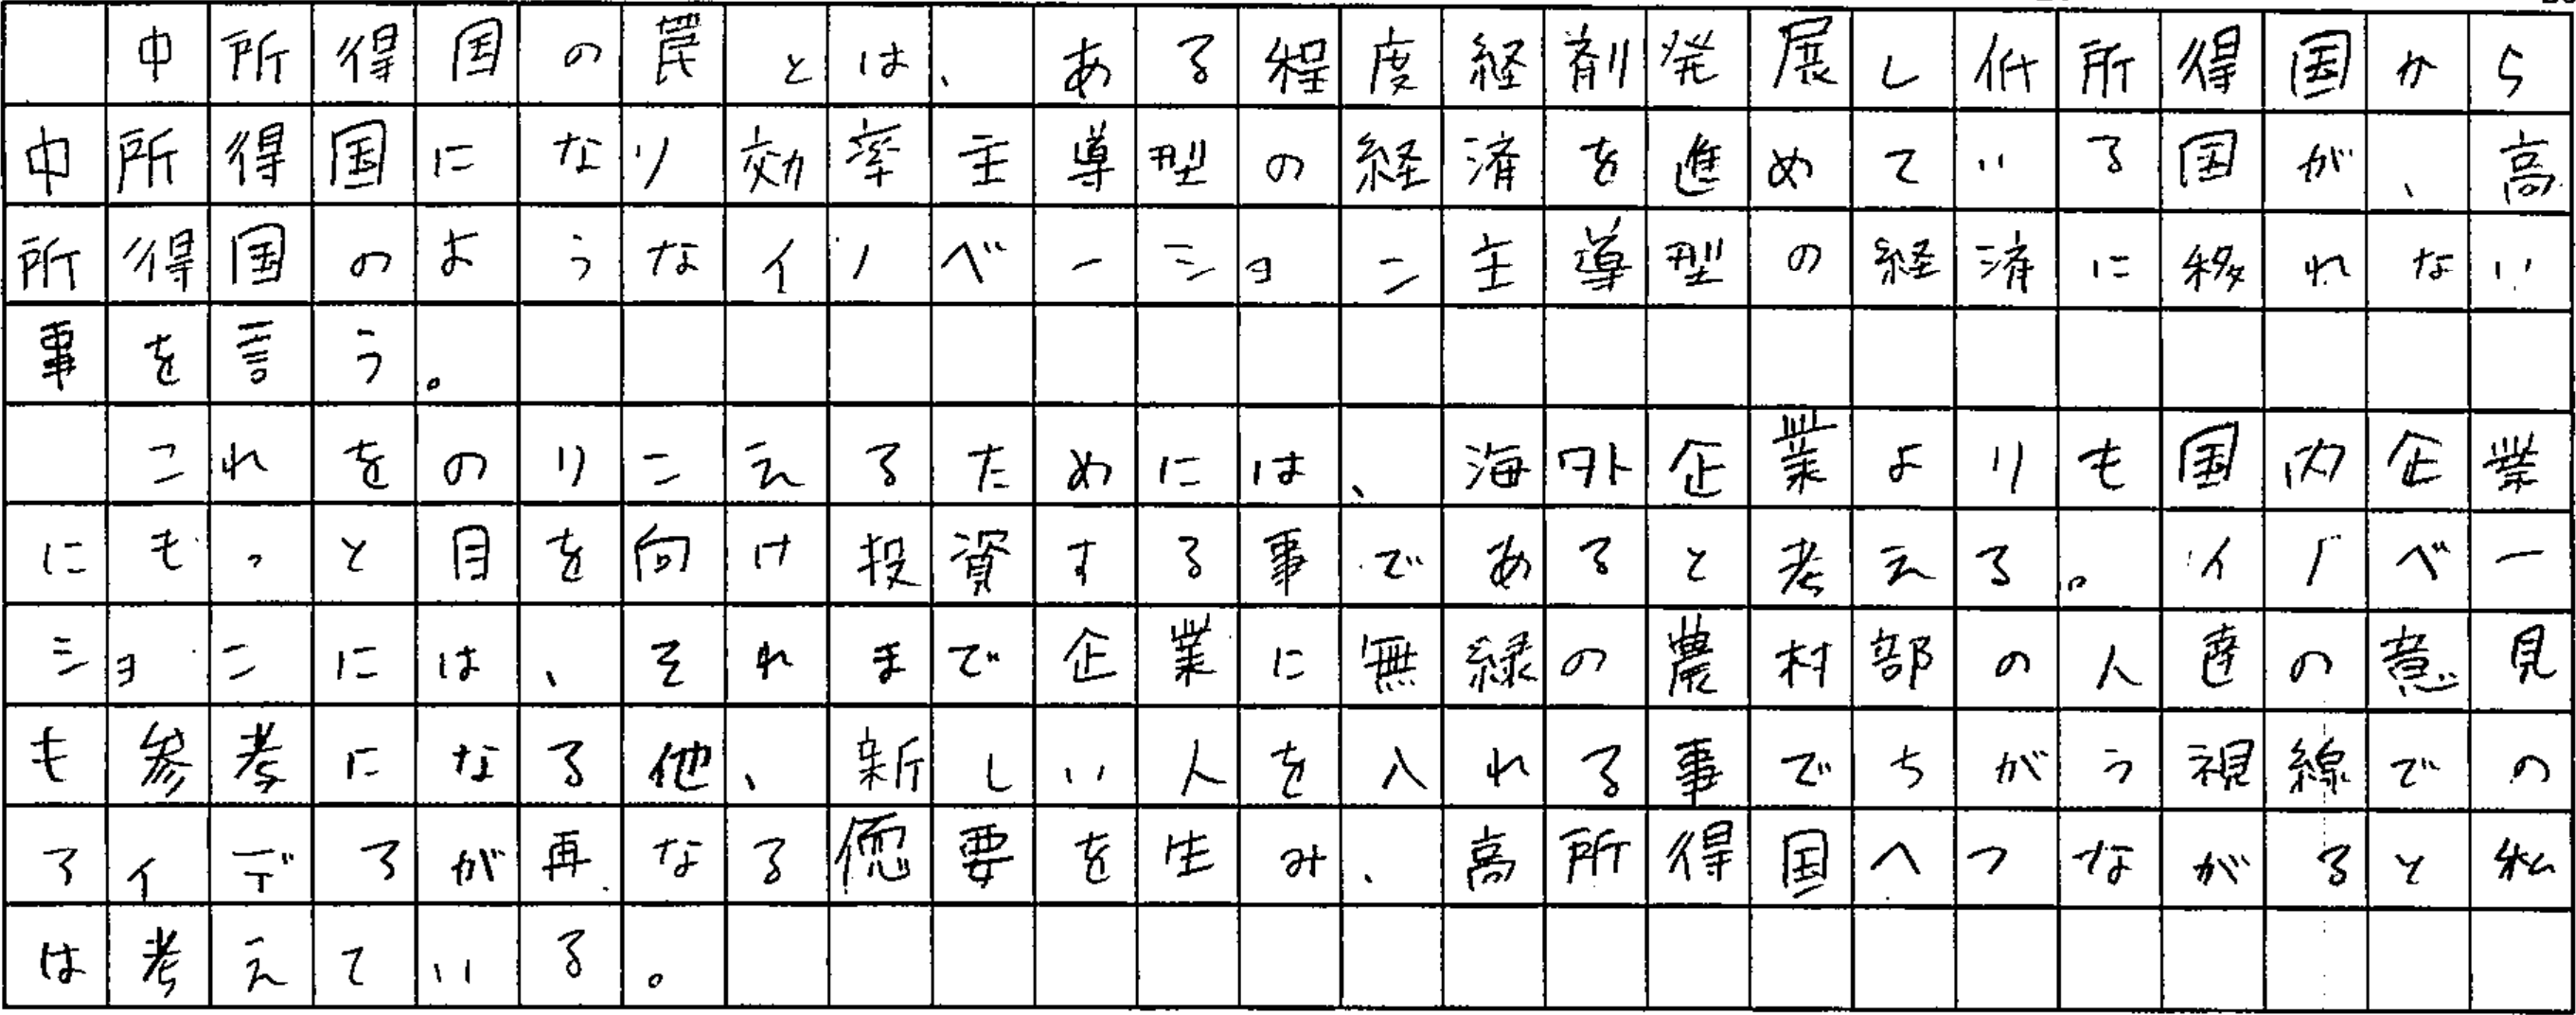　中所得国の罠とは、ある程度経剤発展し▁所得国から中所得国になり効率主導型の経済を進めている国が、高所得国のようなイノベーション主導型の経済に移れない事を言う。
　これをのりこえるためには、海外企業よりも国内企業にもっと目を向け投資する事であると考える。イノベーションには、それまで企業に無緑の農村部の人▁の意見も参▁になる他、新しい人を入れる事でちがう視線でのアイデアが再なる▁要を生み、高所得国へつながると私は考えている。
